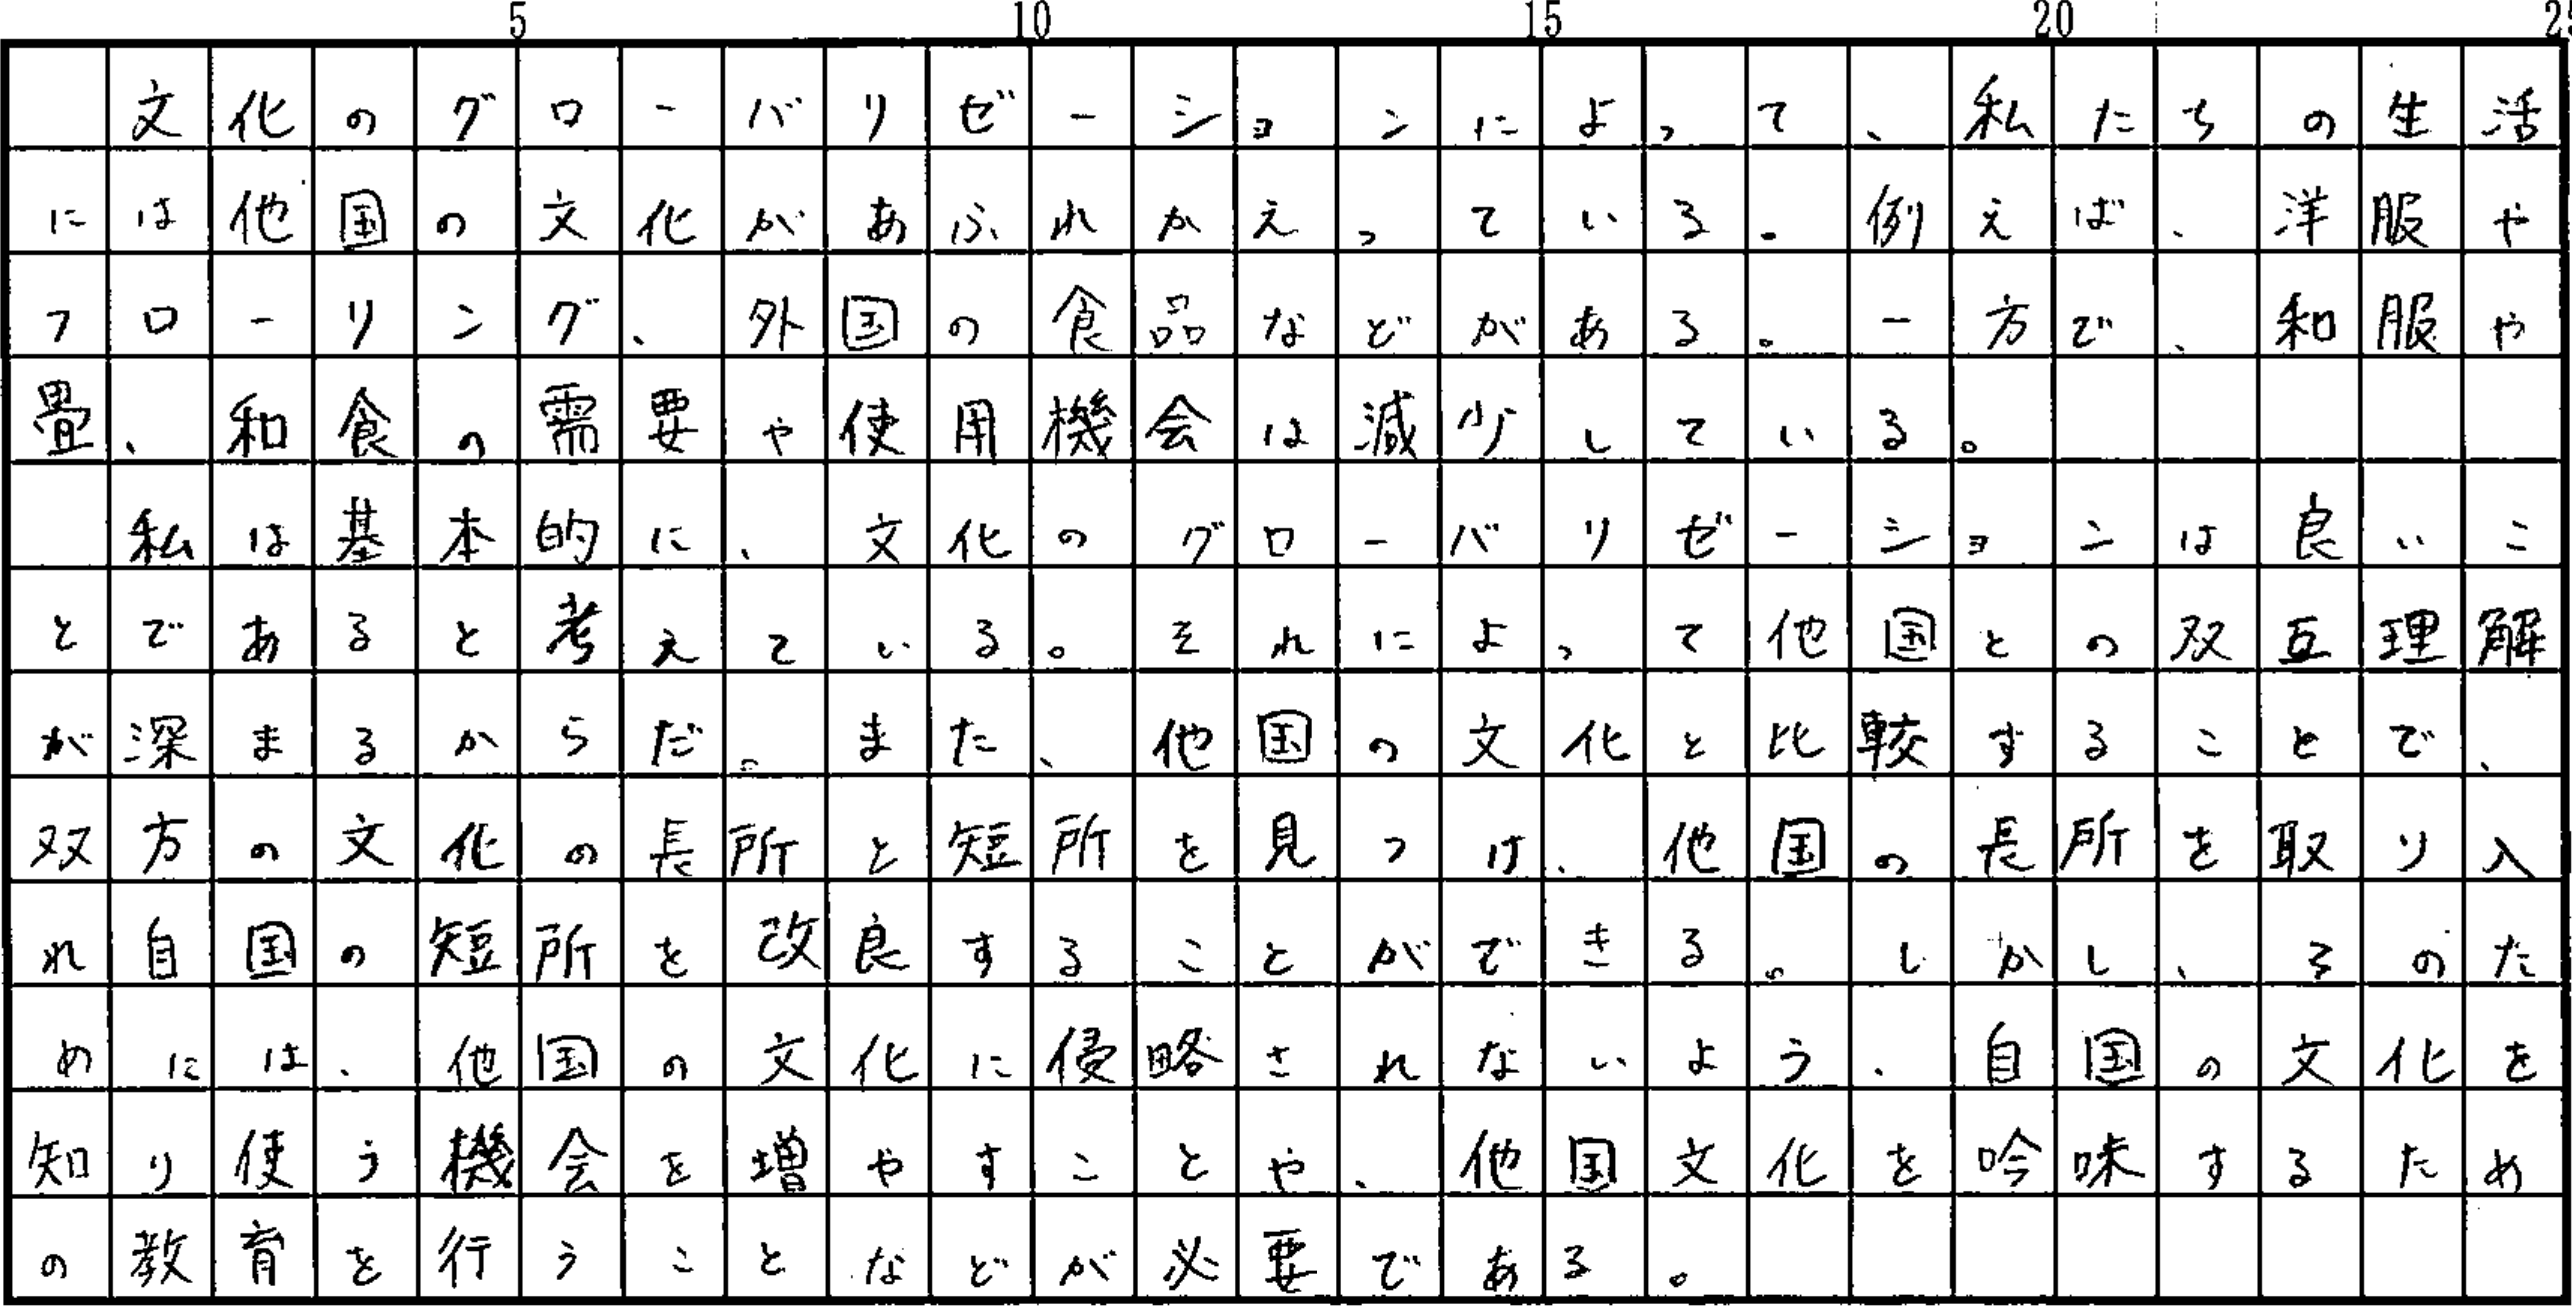　文化のグローバリゼーションによって、私たちの生活には他国の文化があふれかえっている。例えば、洋服やフローリング、外国の食品などがある。一方で、和服や畳、和食の需要や使用機会は減少している。
　私は基本的に、文化のグローバリゼーションは良いことであると考えている。それによって他国との双互理解が深まるからだ。また、他国の文化と比較することで、双方の文化の長所と短所を見つけ、他国の長所を取り入れ自国の短所を改良することができる。しかし、そのためには、他国の文化に侵略されないよう、自国の文化を知り使う機会を増やすことや、他国文化を吟味するための教育を行うことなどが必要である。
